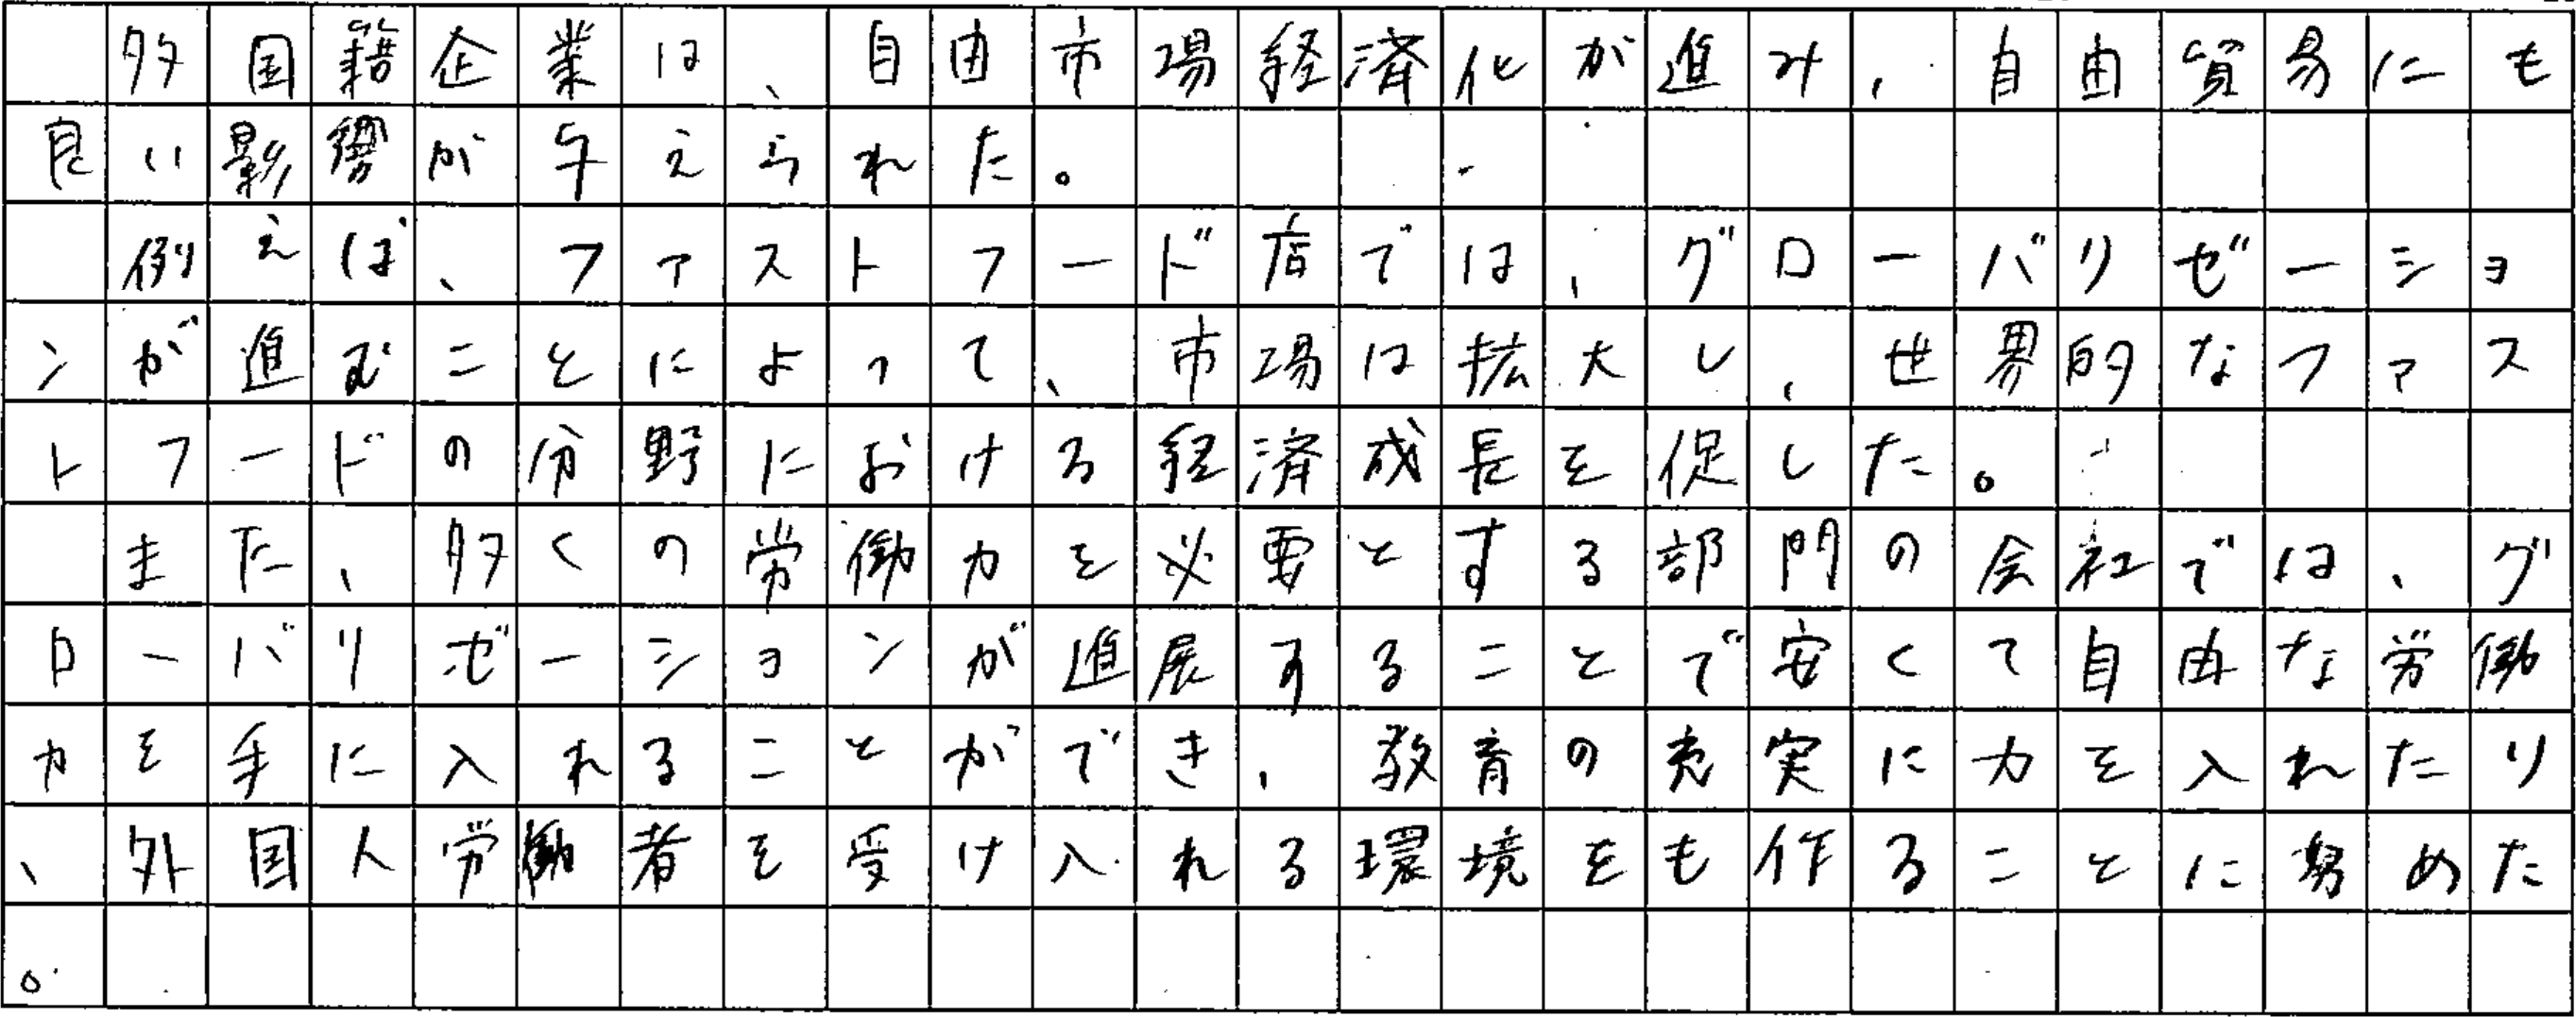　多国籍企業は、自由市場経済化が進み、自由貿易にも良い影響が与えられた。
　例えば、ファストフード店では、グローバリゼーションが進むことによって、市場は拡大し、世界的なファストフードの分野における経済成長を促した。
　また、多くの労働力を必要とする部門の会社では、グローバリゼーションが進展することで安くて自由な労働力を手に入れることができ、教育の充実に力を入れたり、外国人労働者を受け入れる環境をも作ることに努めた。
